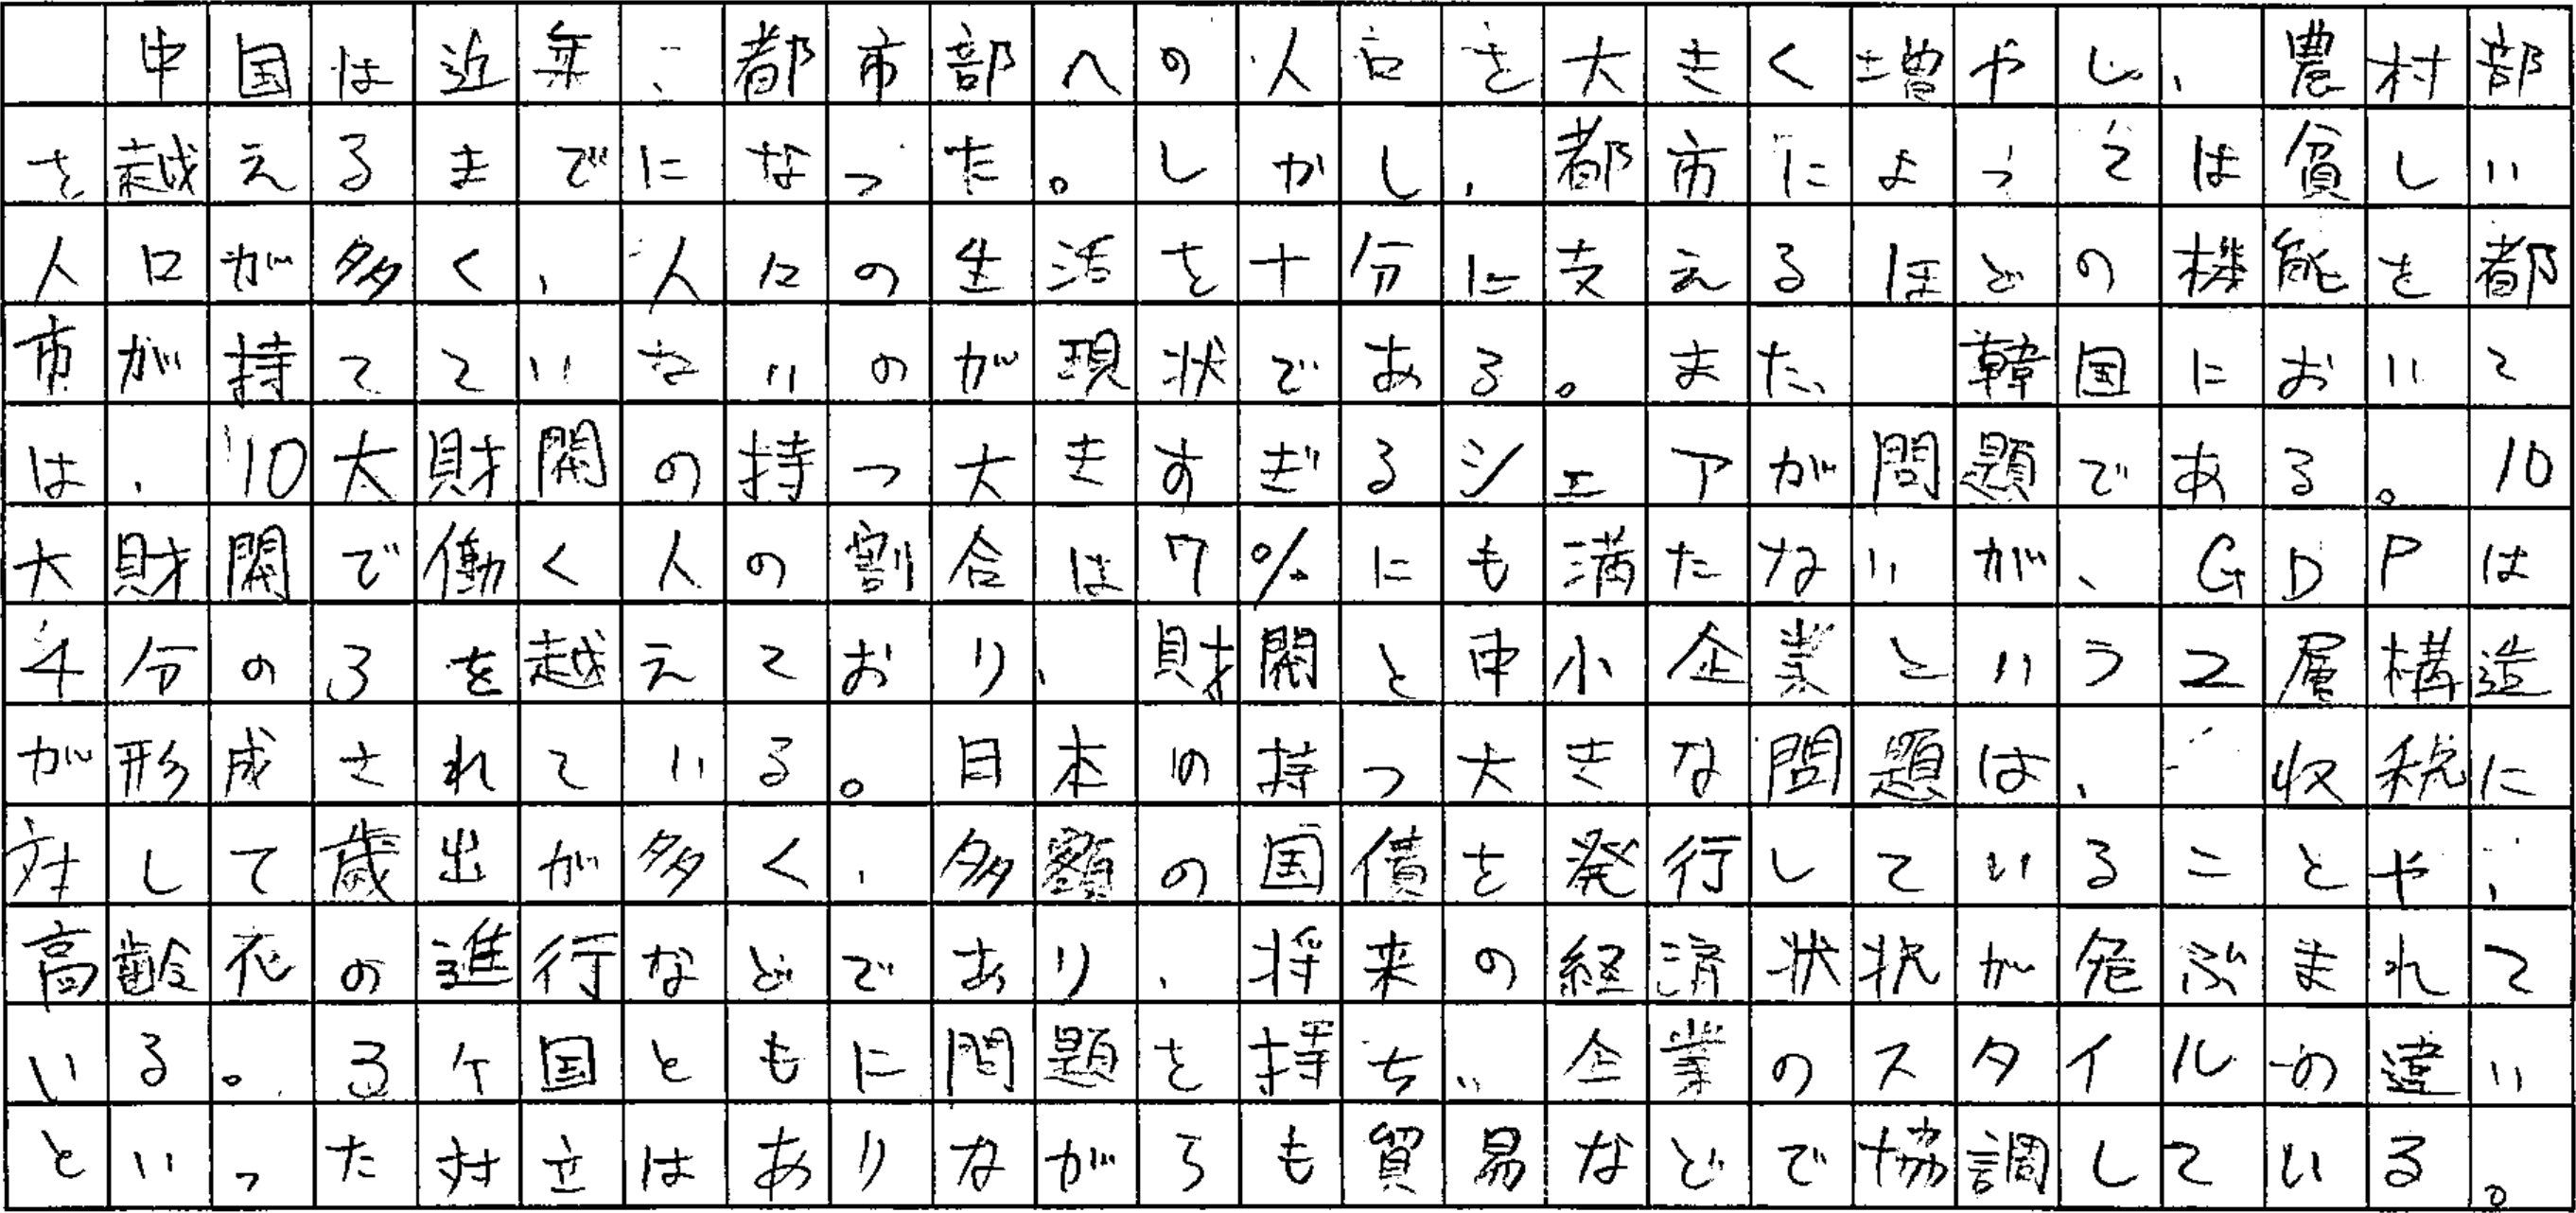　中国は近年、都市部への人口を大きく増やし、農村部を越えるまでになった。しかし、都市によっては貧しい人口が多く、人々の生活を十分に支えるほどの機能を都市が持てていないのが現状である。また、韓国においては、10大財閥の持つ大きすぎるシェアが問題である。10大財閥で働く人の割合は７％にも満たないが、ＧＤＰは４分の３を越えており、財閥と中小企業という２層構造が形成されている。日本の持つ大きな問題は、　収税に対して歳出が多く、多額の国債を発行していることや、高齢化の進行などであり、将来の経済状況が危ぶまれている。３ケ国ともに問題を持ち、企業のスタイルの違いといった対立はありながらも貿易などで協調している。
